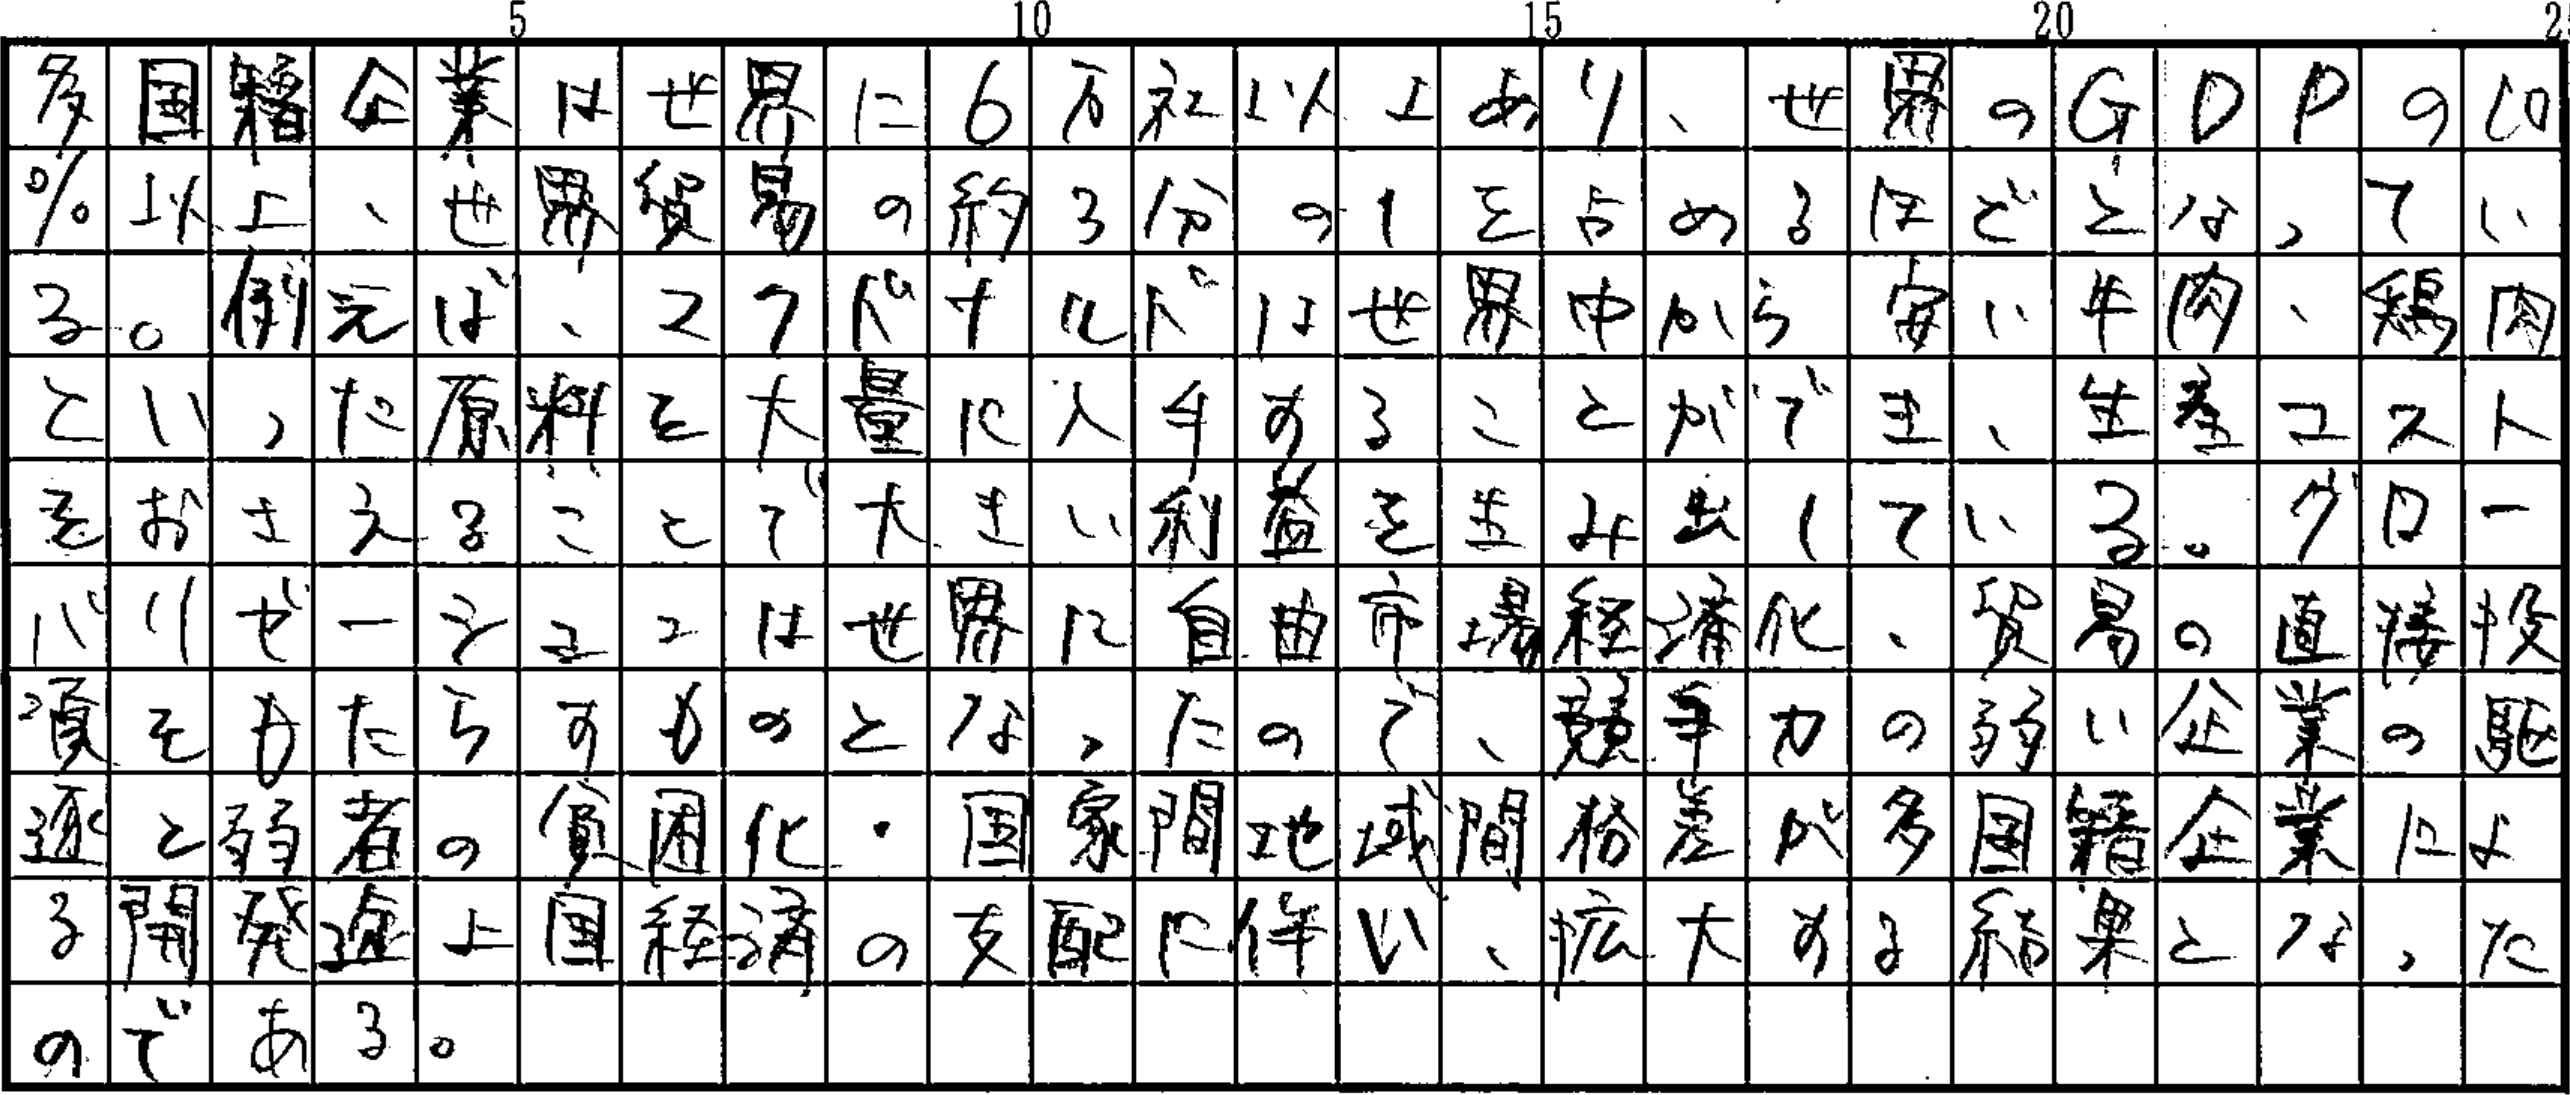　多国籍企業は世界に6万社以上あり、世界のＧＤＰの１０％以上、世界貿易の約３分の１を占めるほどとなっている。例えば、マクドナルドは世界中から安い牛肉・鶏肉といった原料を大量に入手することができ、生産コストをおさえることで大きい利益を生み出している。グローバリゼーションは世界に自由市場経済化、貿易の直接投資をもたらすものとなったので、競争力の弱い企業の駆逐と弱者の貧困化・国家間地域間格差が多国籍企業による開発途上国経済の支配に伴い、拡大する結果となったのである。
